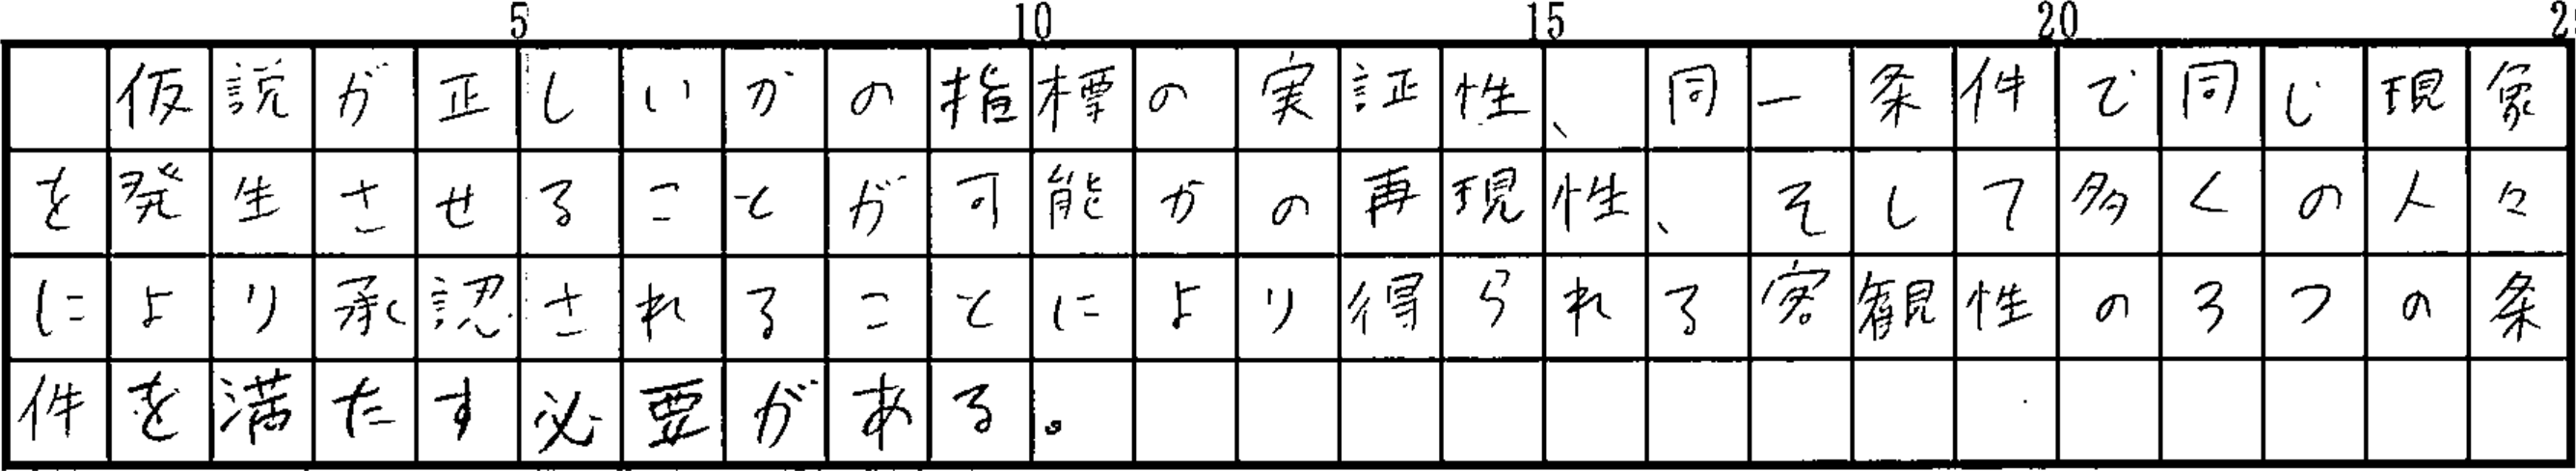　仮説が正しいかの指標の実証性、同一条件で同じ現象を発生させることが可能かの再現性、そして多くの人々により承認されることにより得られる客観性の３つの条件を満たす必要がある。
